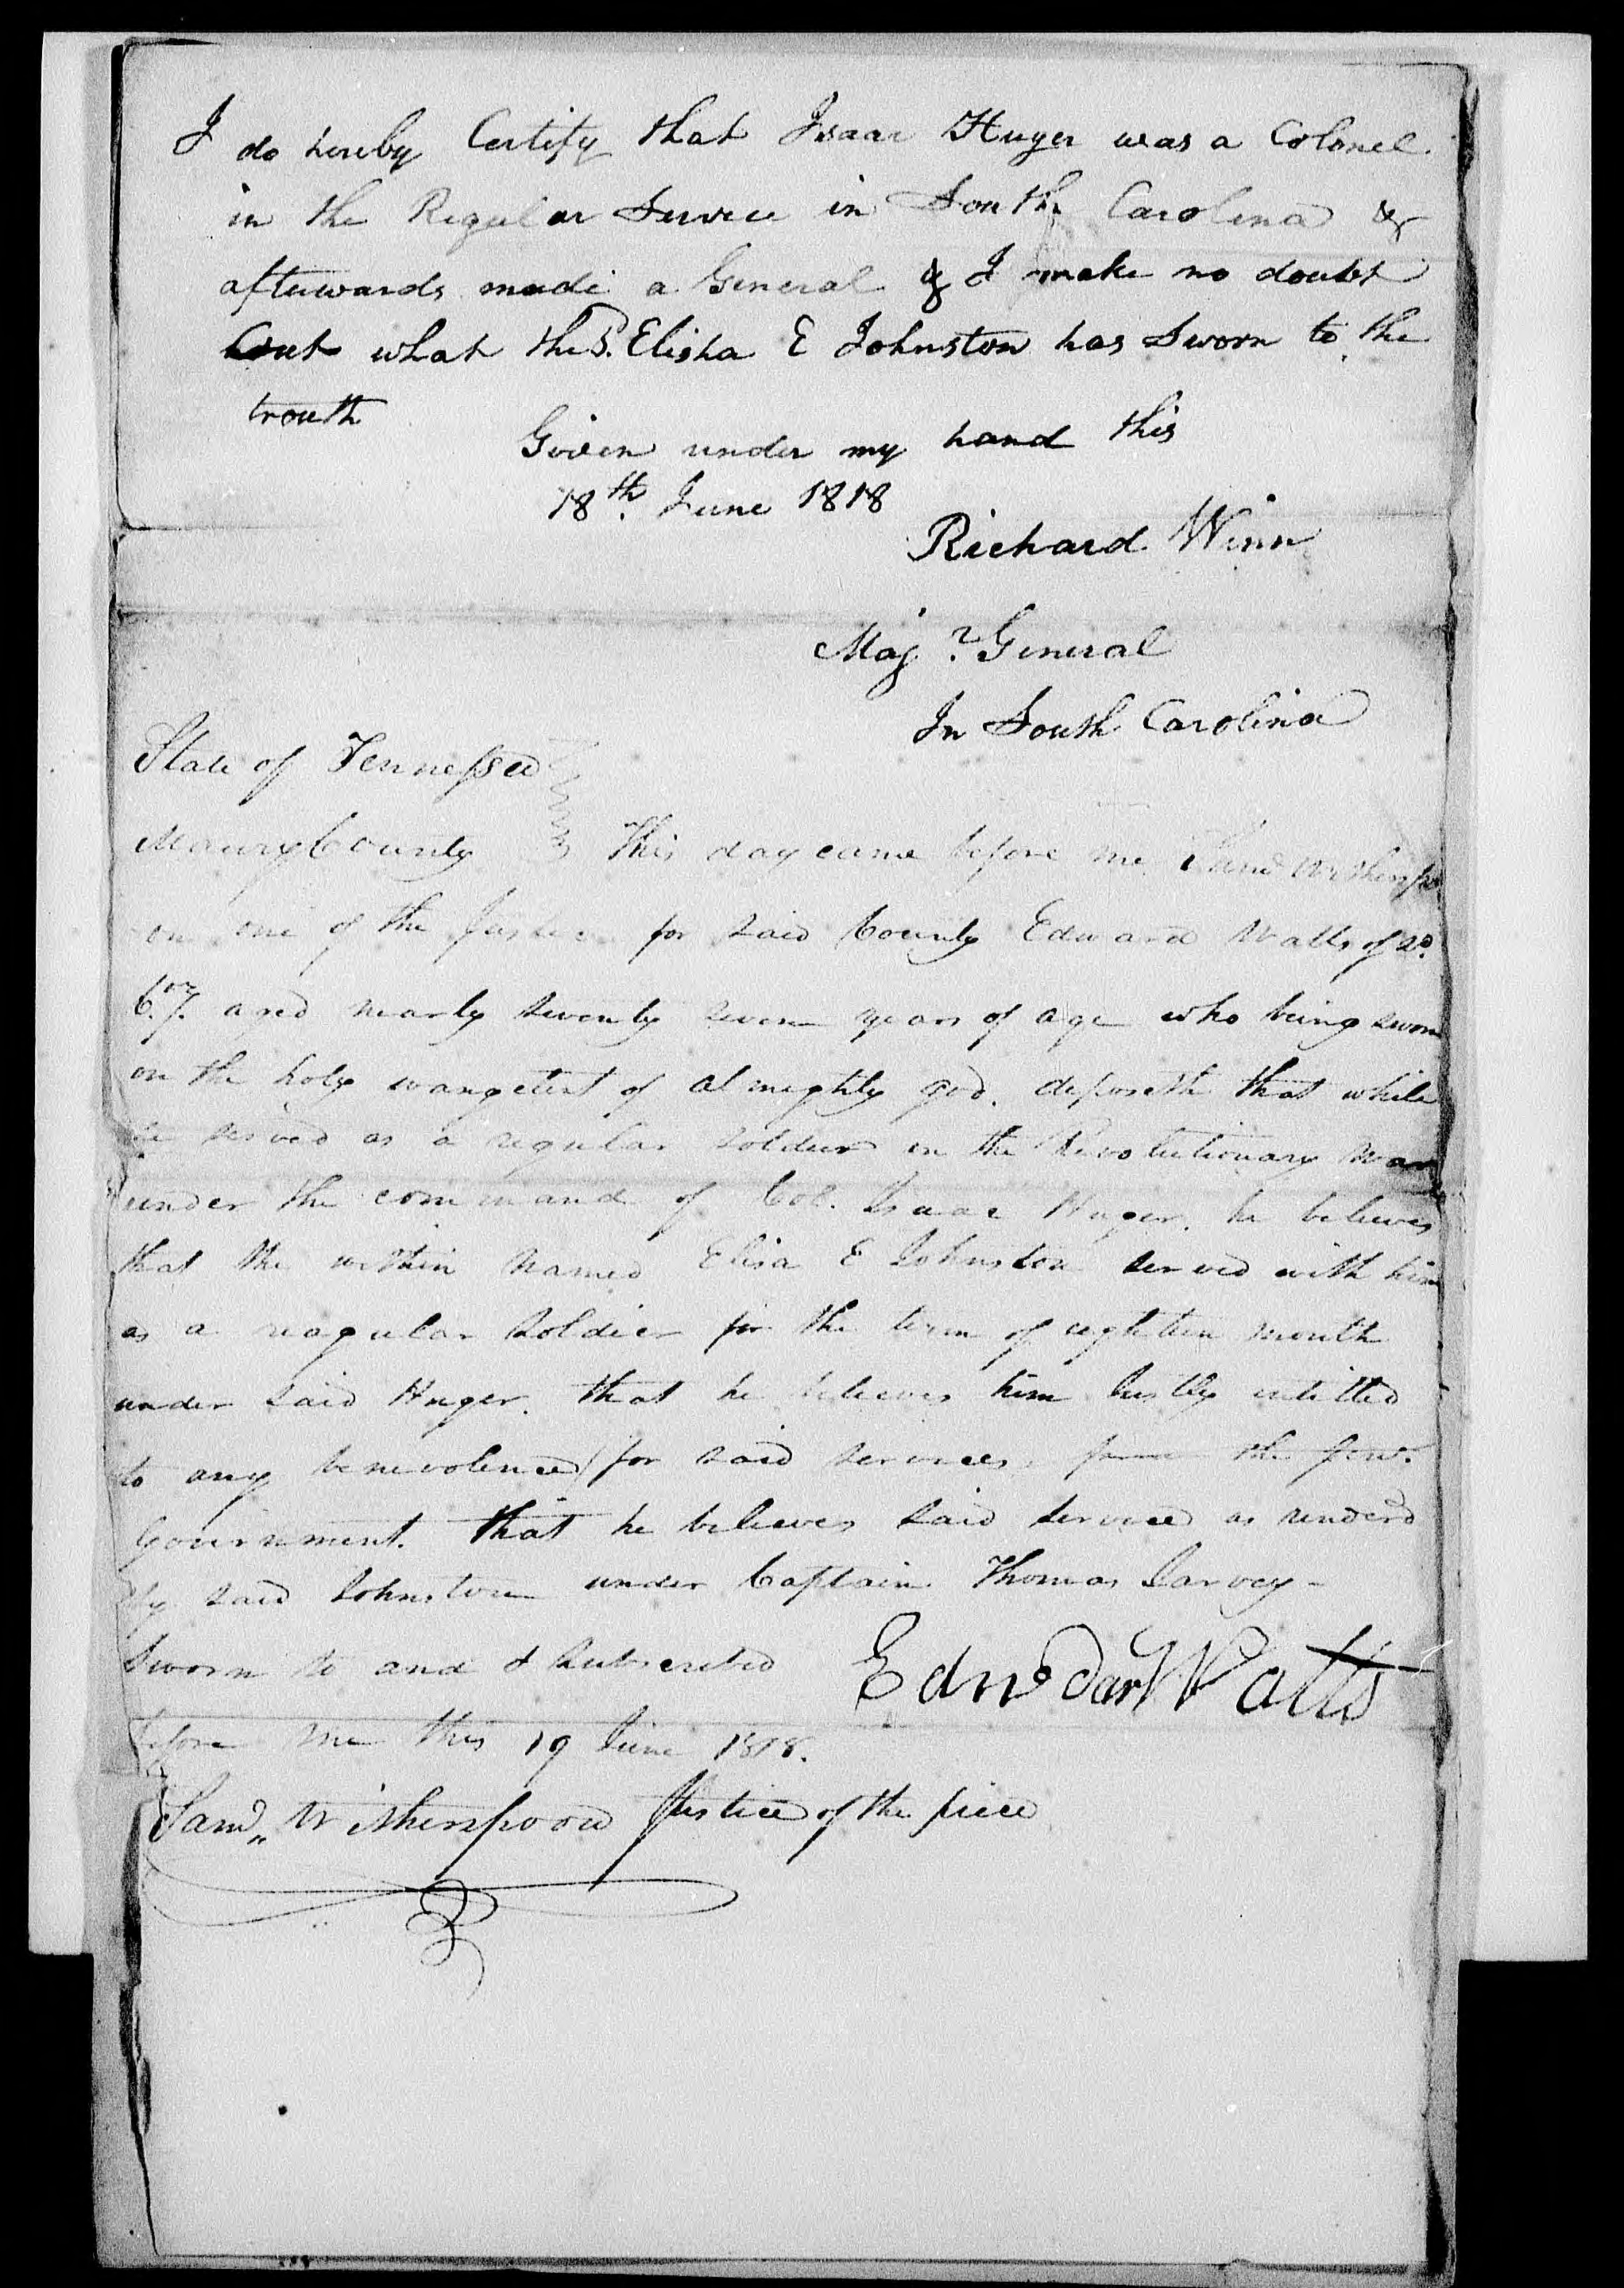I do hereby Certify that Isaac Huger was a Colonel in the Regular Service in South Carolina & afterwards made a General & I make no doubt but what the Sd. Elisha E Johnston has Sworn to the trouth
Given under my hand this
18th June 1818
Richard Winn
Maj. General
In South Carolina


State of Tennessee}
Maury County}
This day came before me Saml. Witherspoon one of the Justices for said County Edward Watts of 2. 6.7. aged nearly Seventy seven years of aged who being sworn on the holy evangelist of almighty God, deposeth that while he served as a regular soldier in the Revolutionary War under the command of Col. Isaac Huger, he believes that the within named Elisha E Johnston served with him as a regular Soldier for the term of eighteen months under said Huger, that he believes him fully entitled to any benevolence for said services, from the fedr. Government, that he believes said Service as rendered by said Johnston under Captain Thomas Carvey -

Edward Watts


Sworn to and Subscribed
before me this 19 June 1818.
Saml. Witherspoon Justice of the peace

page: 6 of 9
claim: survivor's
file: S. 38885, for Elisha Edwards Johnson, South Carolina